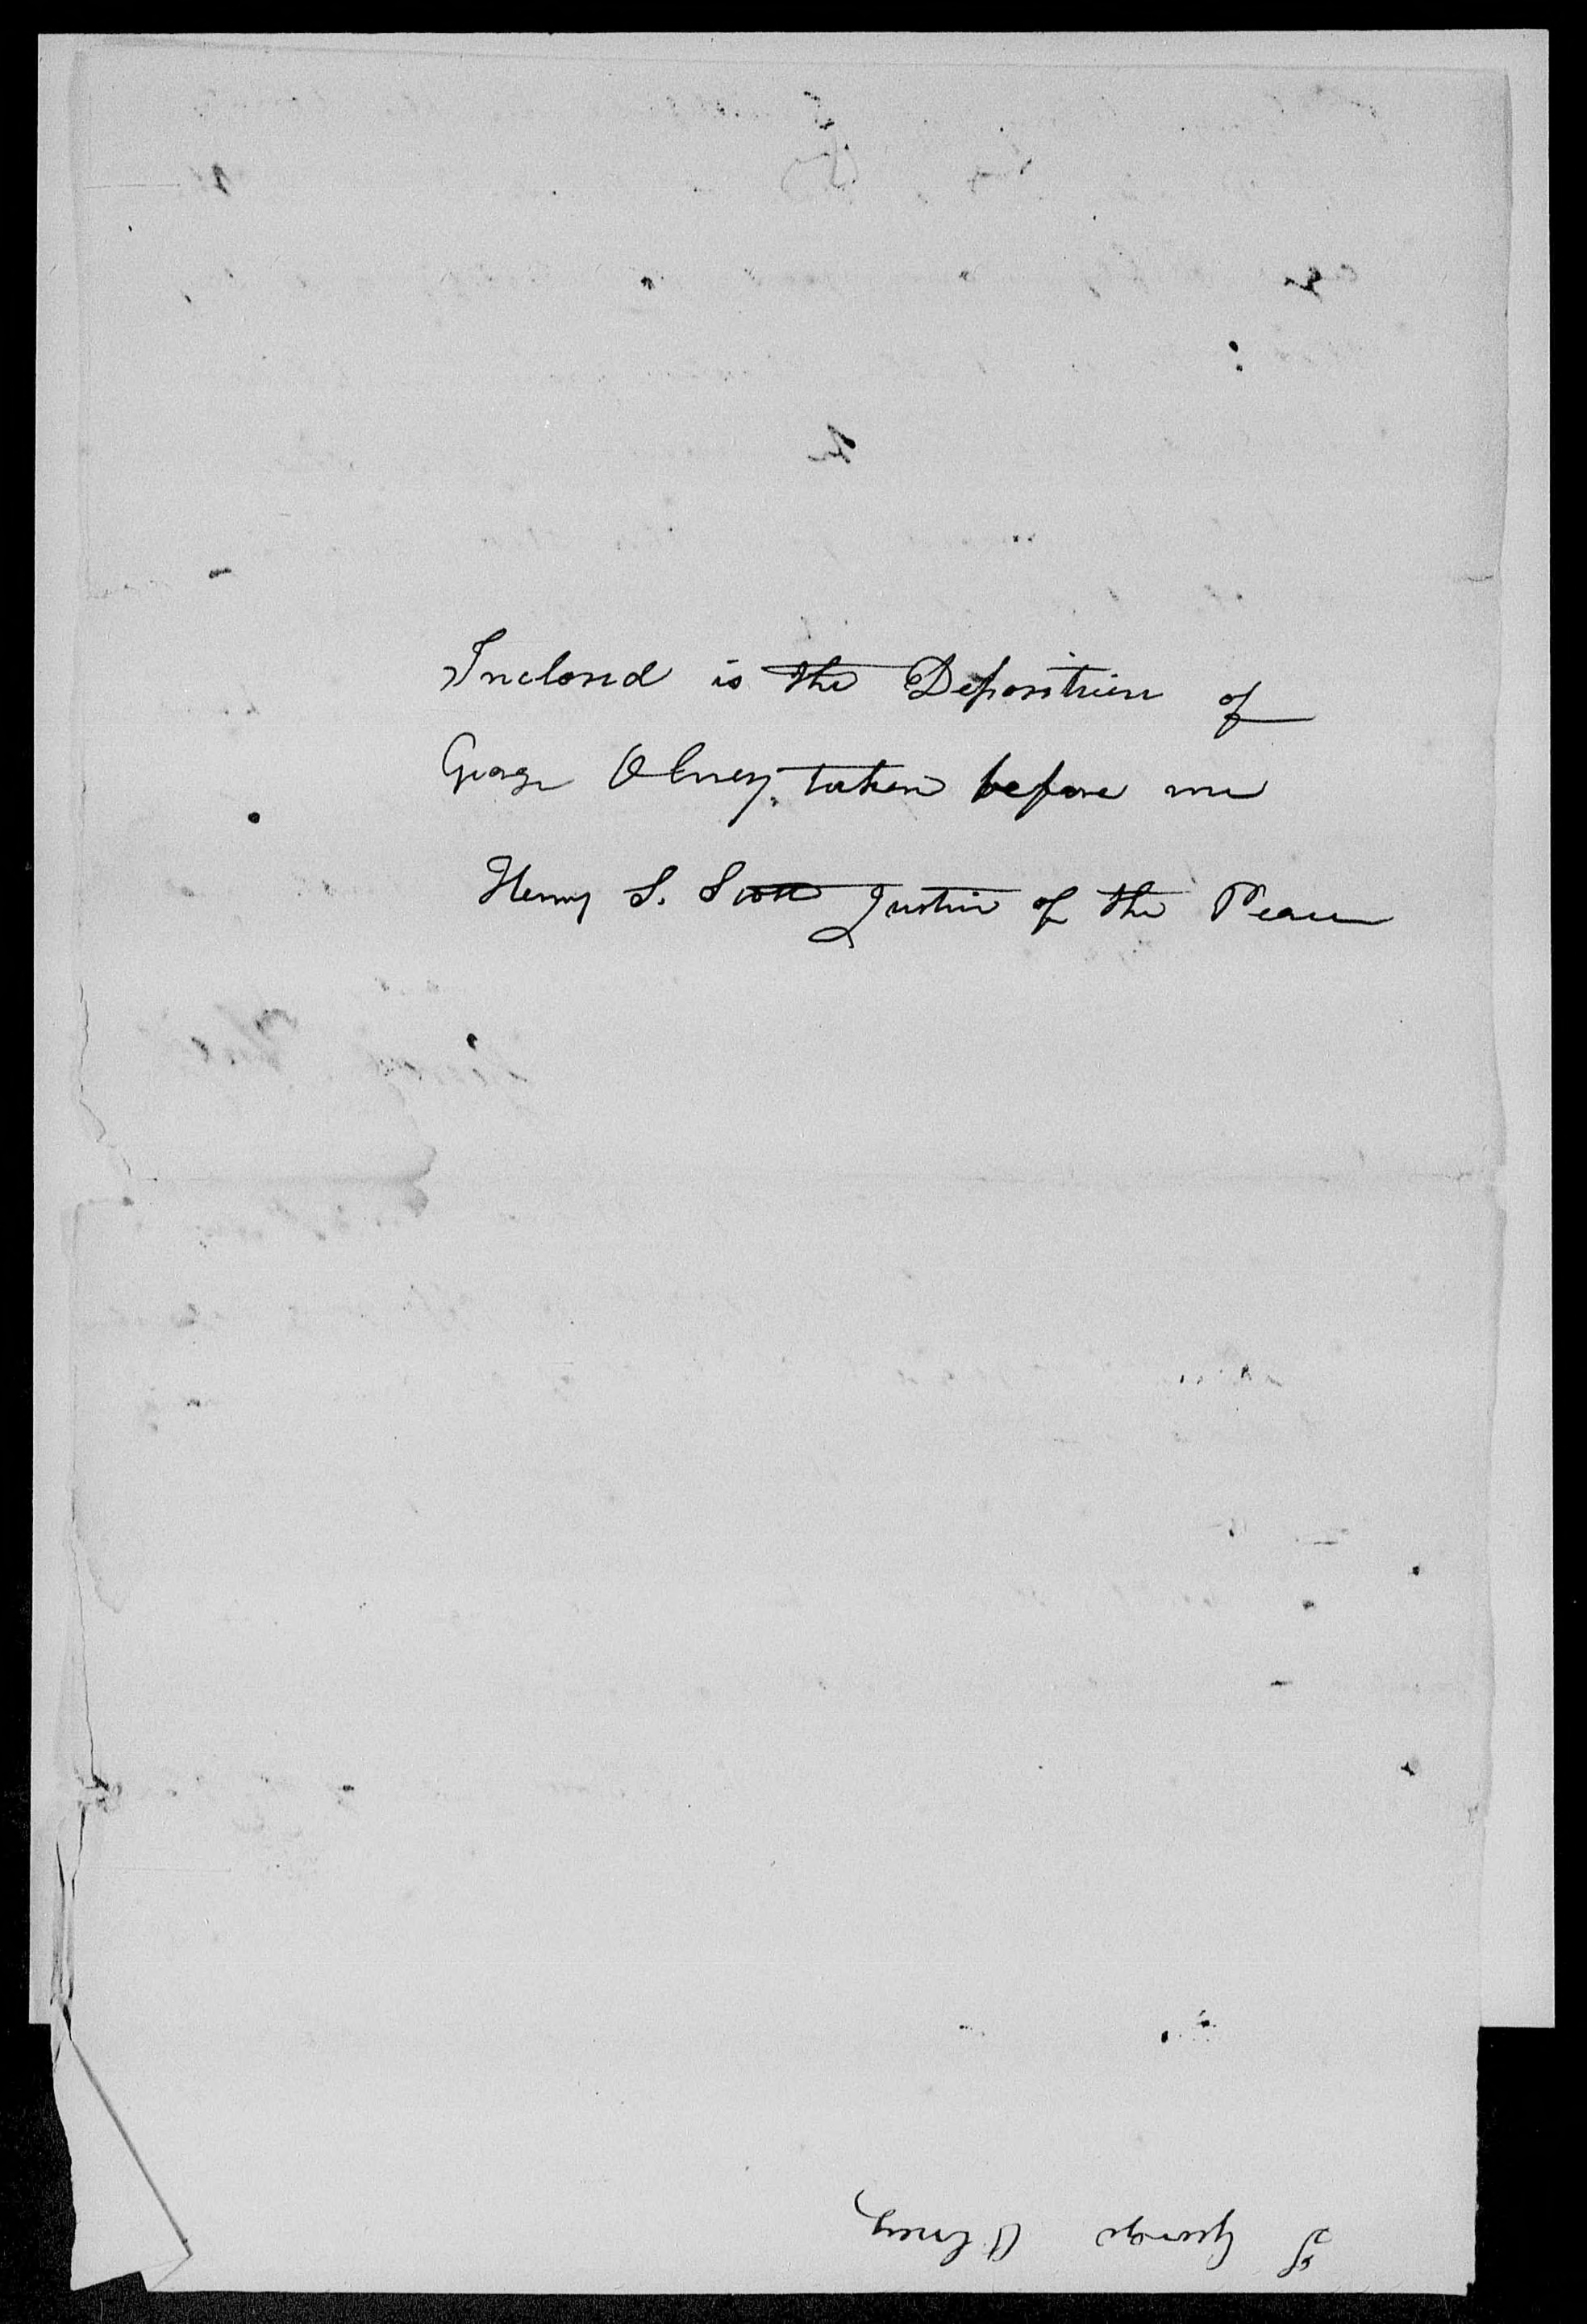Enclosed is the Deposition of
George Olney. Taken before me
Henry S. Scott Justice of the Peace.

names: George Olney, Henry S Scott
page: 24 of 35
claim: survivor's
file: S. 18374, Nathan Dexter, R.I.